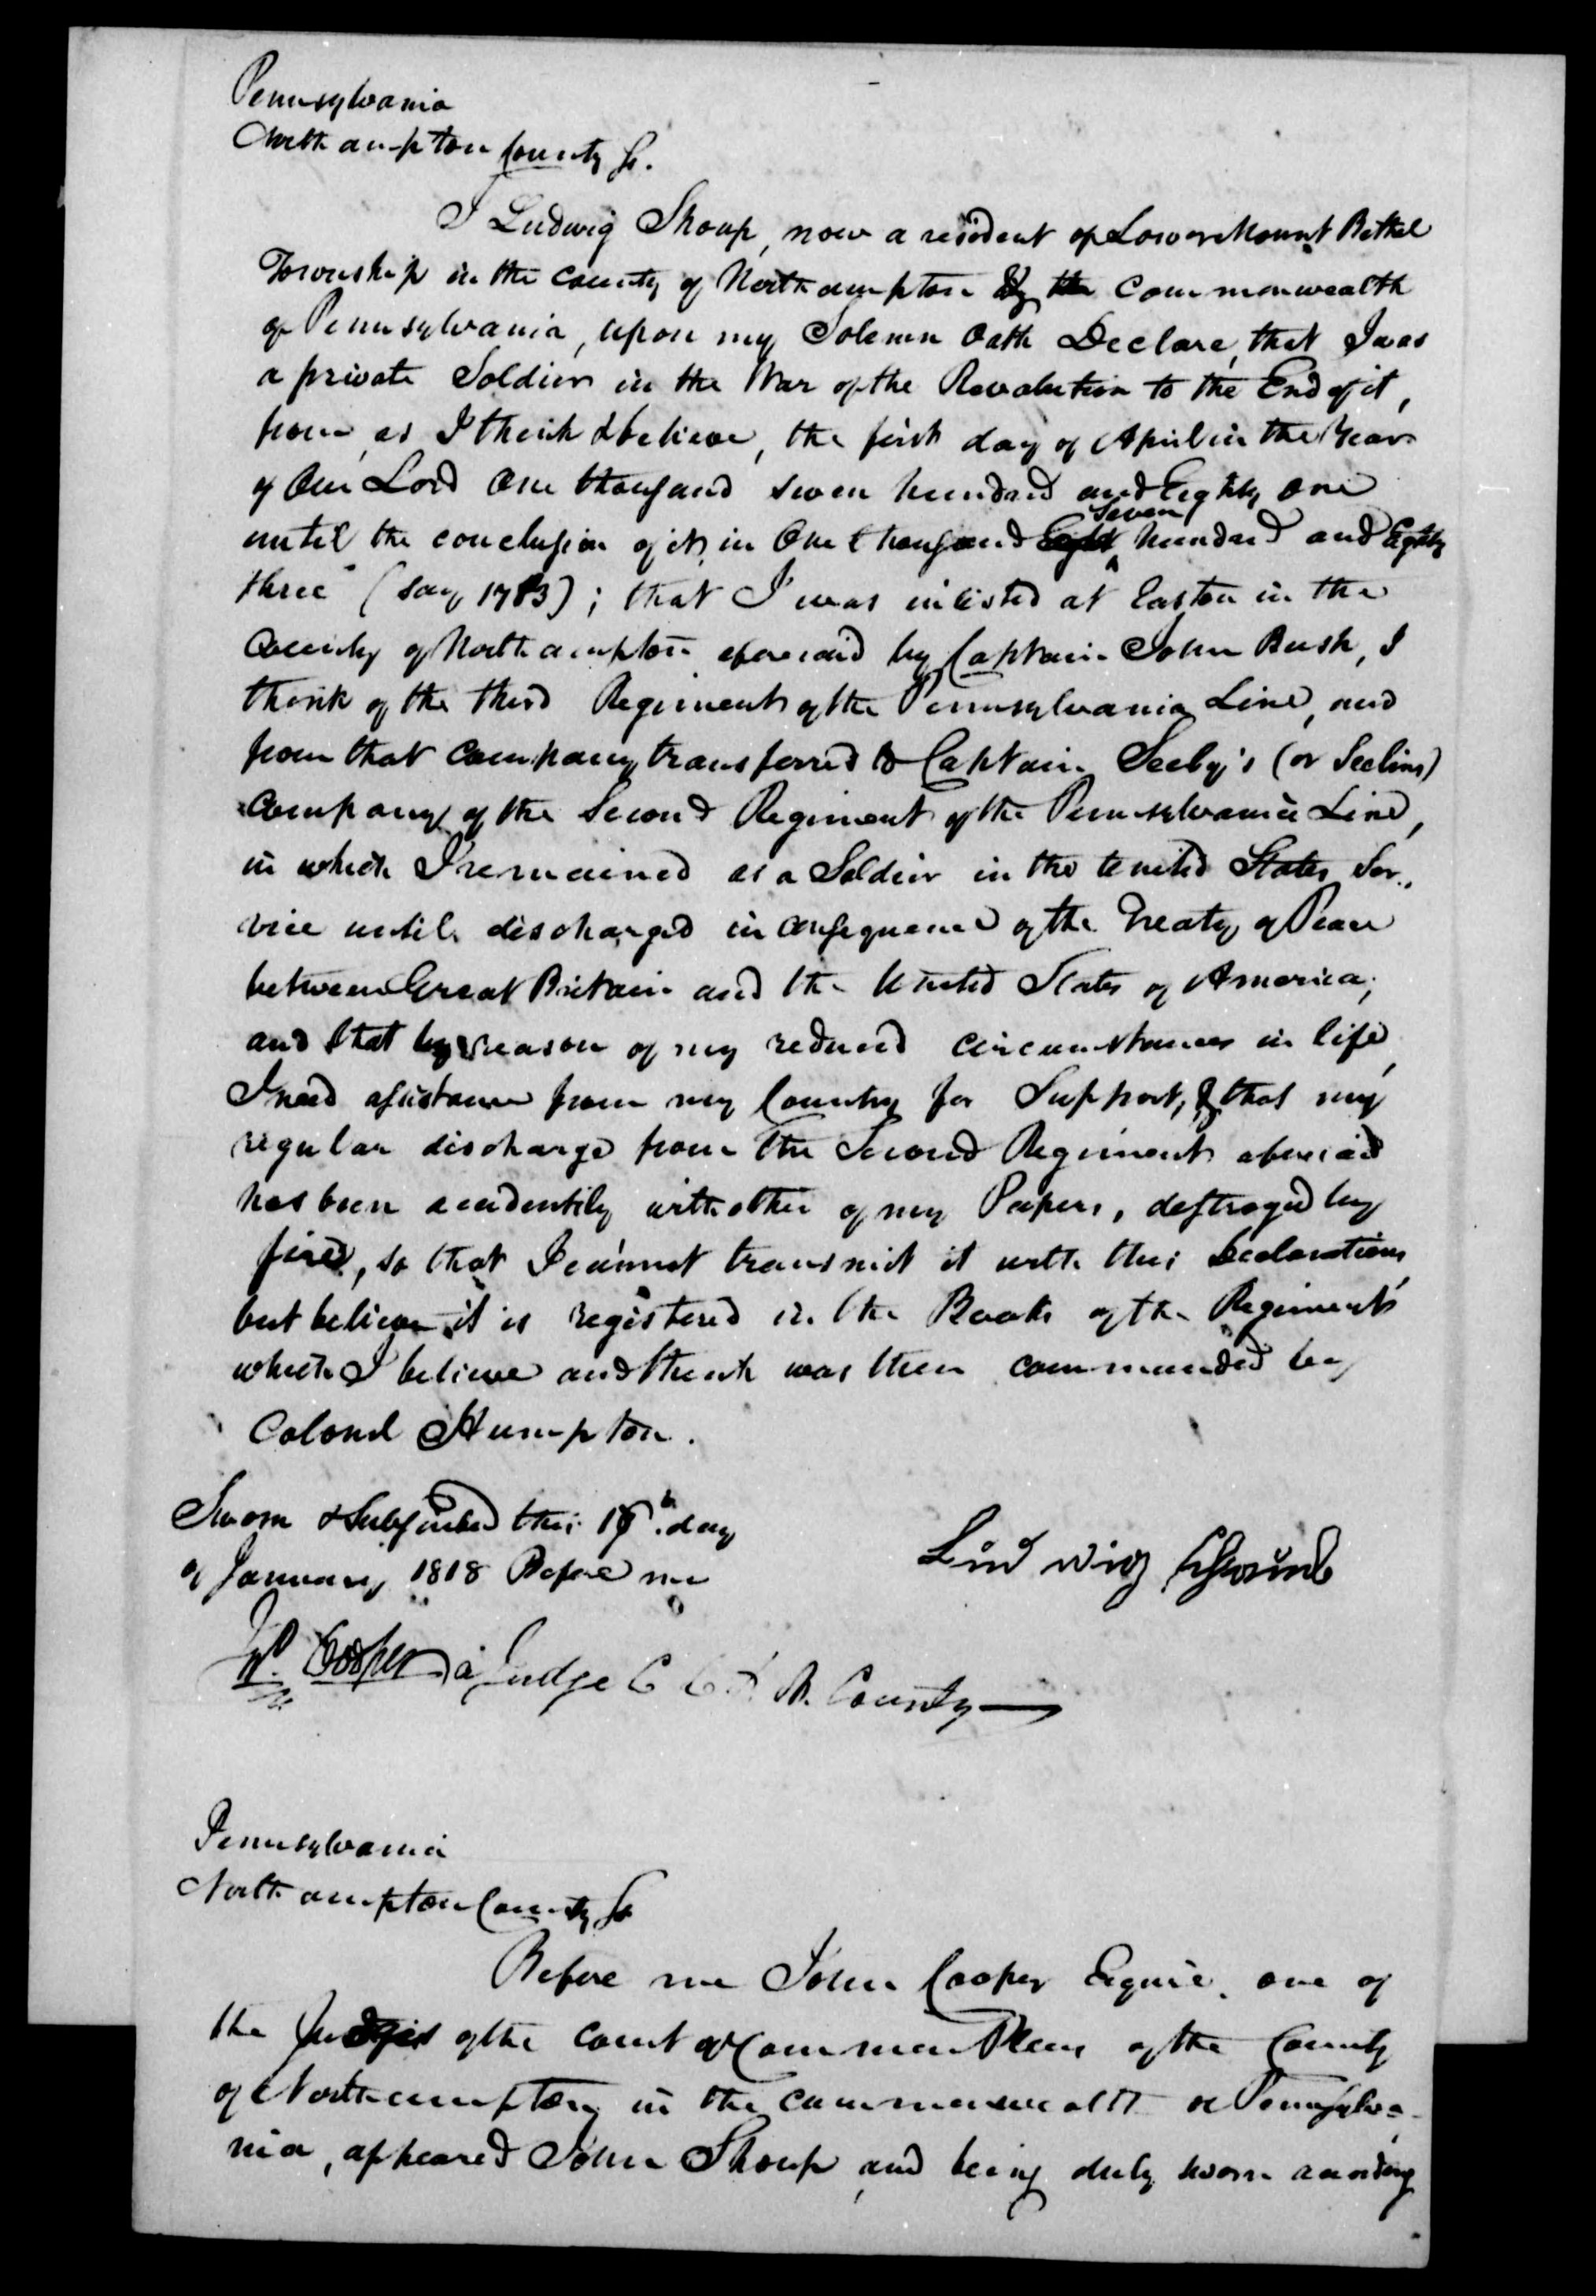Pennsylvania
Northampton County ss.

I Ludwig Shoup, now a resident of Lower Mount Bethel Township in the County of Northampton in the Commonwealth of Pennsylvania, upon my Solemn oath Declare, that I was a private Soldier in the War of the Revolution to the Ed of it, (illegible) as I think & believe, the first day of April in the Year of Our Lord one thousand seven hundred and Eighty one until the conclusion of it in One thousand seven hundred and Eighty three (say 1783); that I was enlisted at Easton in the County of Northampton aforesaid by Captain John Bush, I think of the third Regiment of the Pennsylvania Line, and from that  company transferred to Captain Seely's (or Seeline) Company of the Second Regiment of the Pennsylvania Line, in which I remained as a Soldier in the United States Service until discharged in consequence of the Treaty of Peace between Great Britain and the United States of America; and that by (illegible) of my reduced circumstances in life I need assistance from my Country for Support, & that my regular discharge from the Second Regiment aforesaid has been accidently with other of my Papers, destroyed by fire, so that I cannot transmit it with this Declaration but believe it is registered in the Books of the Regiments which I believe and think was then commanded by Colonel Humpton.
(Signed) Ludwig Shoup

Sworn & Subscribed this 17th day
of January 1818 Before me
(Signed) W. Cooper a Judge C. C. of N. County

Pennsylvania
Northampton County ss.

Before me John Cooper Esquire one of the Judges of the Court of  Common Pleas of the County of Northampton in the Commonwealth of Pennsylvania, appeared John Shoup and being duly sworn according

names: John Bush; Jno Cooper; Ludwig Shoup; John Cooper; John Cooper; [BLANK] Humpton; Ludwig Shoup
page: 11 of 19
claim: survivor's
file: S. 40410, for Ludwig Shoup, Pennsylvania